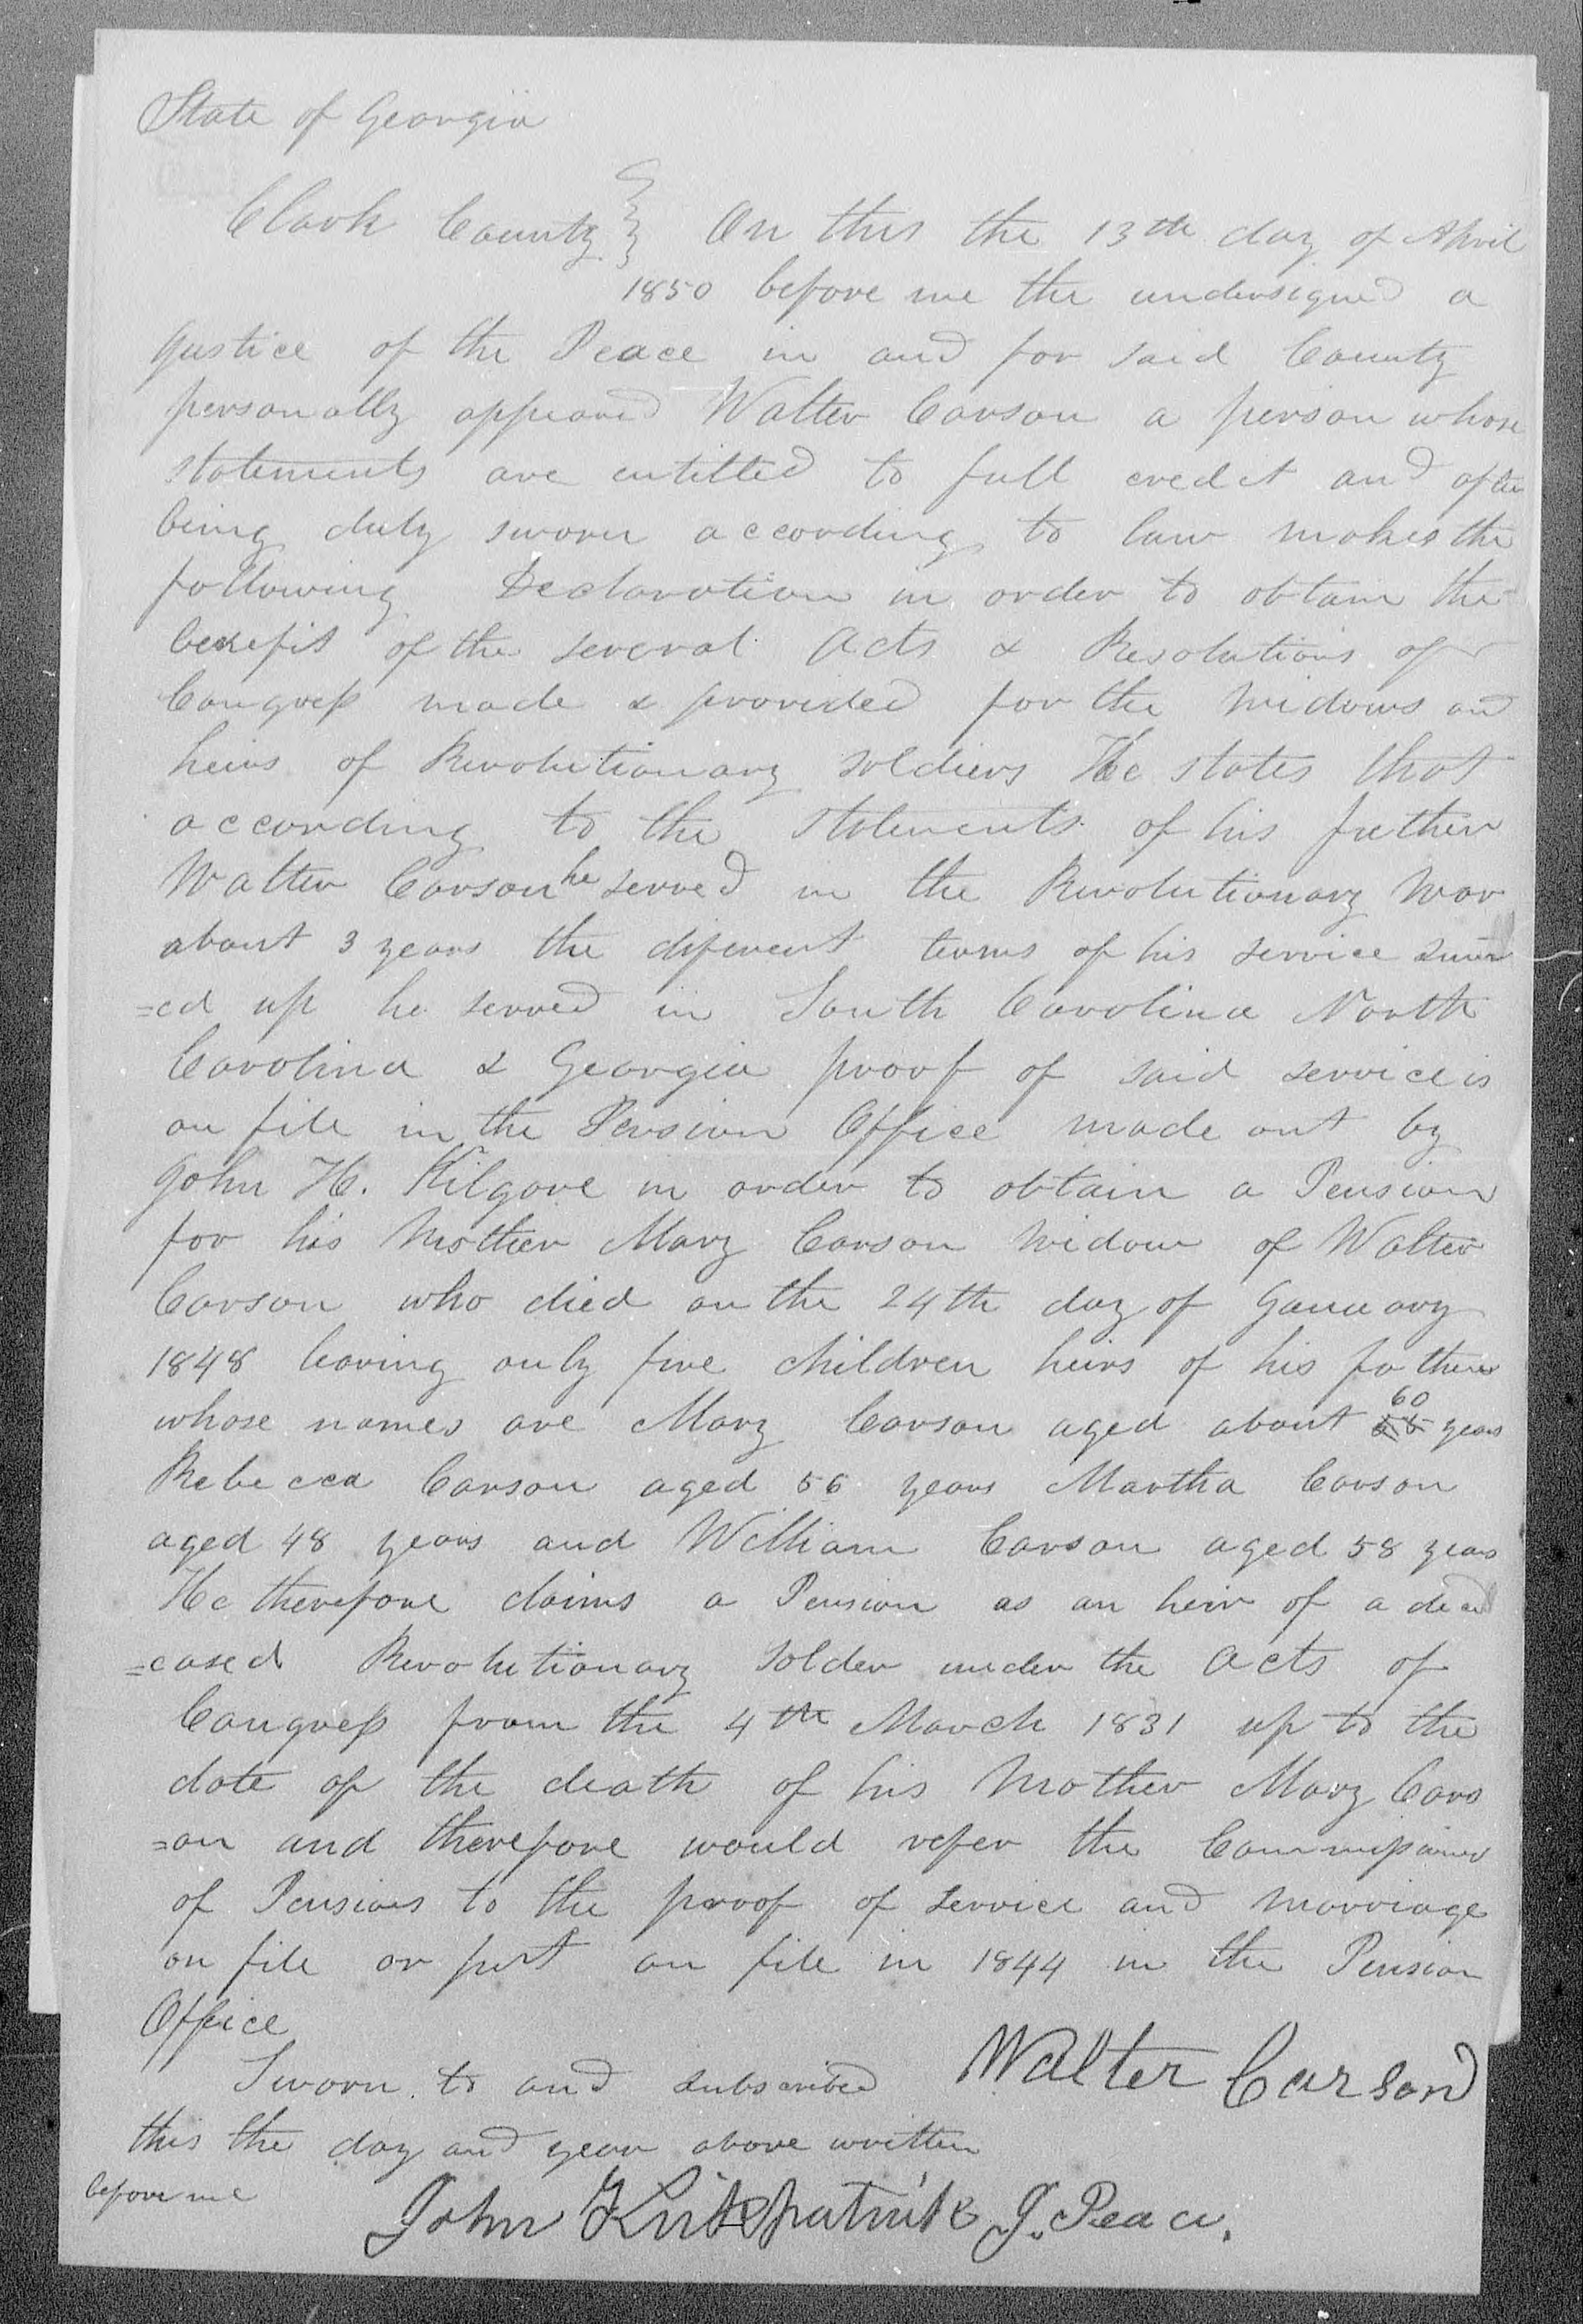State of Georgia
Clark County
On this the 13th day of April 1850 before me the undersigned a Justice of the Peace in and for said County personally appeared Walter Carson a person whose statements are entitled to full credit and after being duly sworn according to law makes the following Declaration in order to obtain the benefit of the several Acts & Resolutions of Congress made & provided for the widows and heirs of Revolutionary soldiers He states that according to the statements of his father Walter Carson he served in the Revolutionary war about 3 years the diferent tours of his service summed up he served in South Carolina North Carolina & Georgia proof of said service is on file in the Pension Office made out by John H Kilgore in order to obtain a pension for his mother Mary Carson Widow of Walter Carson who died on the 24th day of January 1848 leaving only five children heirs of his father whose names are Mary Carson aged about 60 years Rebecca Carson aged 56 years Martha Carson aged 48 years and William Carson aged 58 years He therefore claims a Pension as an heir of a deceased Revolutionary solder under the acts of Congress from the 4th March 1831 up to the date of the death of his Mother Mary Carson and therefore would refer the Commissioner of Pensions to the proof of service and marriage on file or put on file in 1844 in the Pension Office
Walter Carson
Sworn to and subscribed this the day and year above written before me
John Kirkpatrick J. Peace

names: Mary Carson, Walter Carson, Walter Carson, Walter Carson, William Carson, Walter Carson, John H Kilgore, Rebecca Carson, John Kirkpatrick, Mary Carson, Martha Carson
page: 19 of 34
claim: rejected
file: R. 1,738, Walter Carson, N.C. S.C.